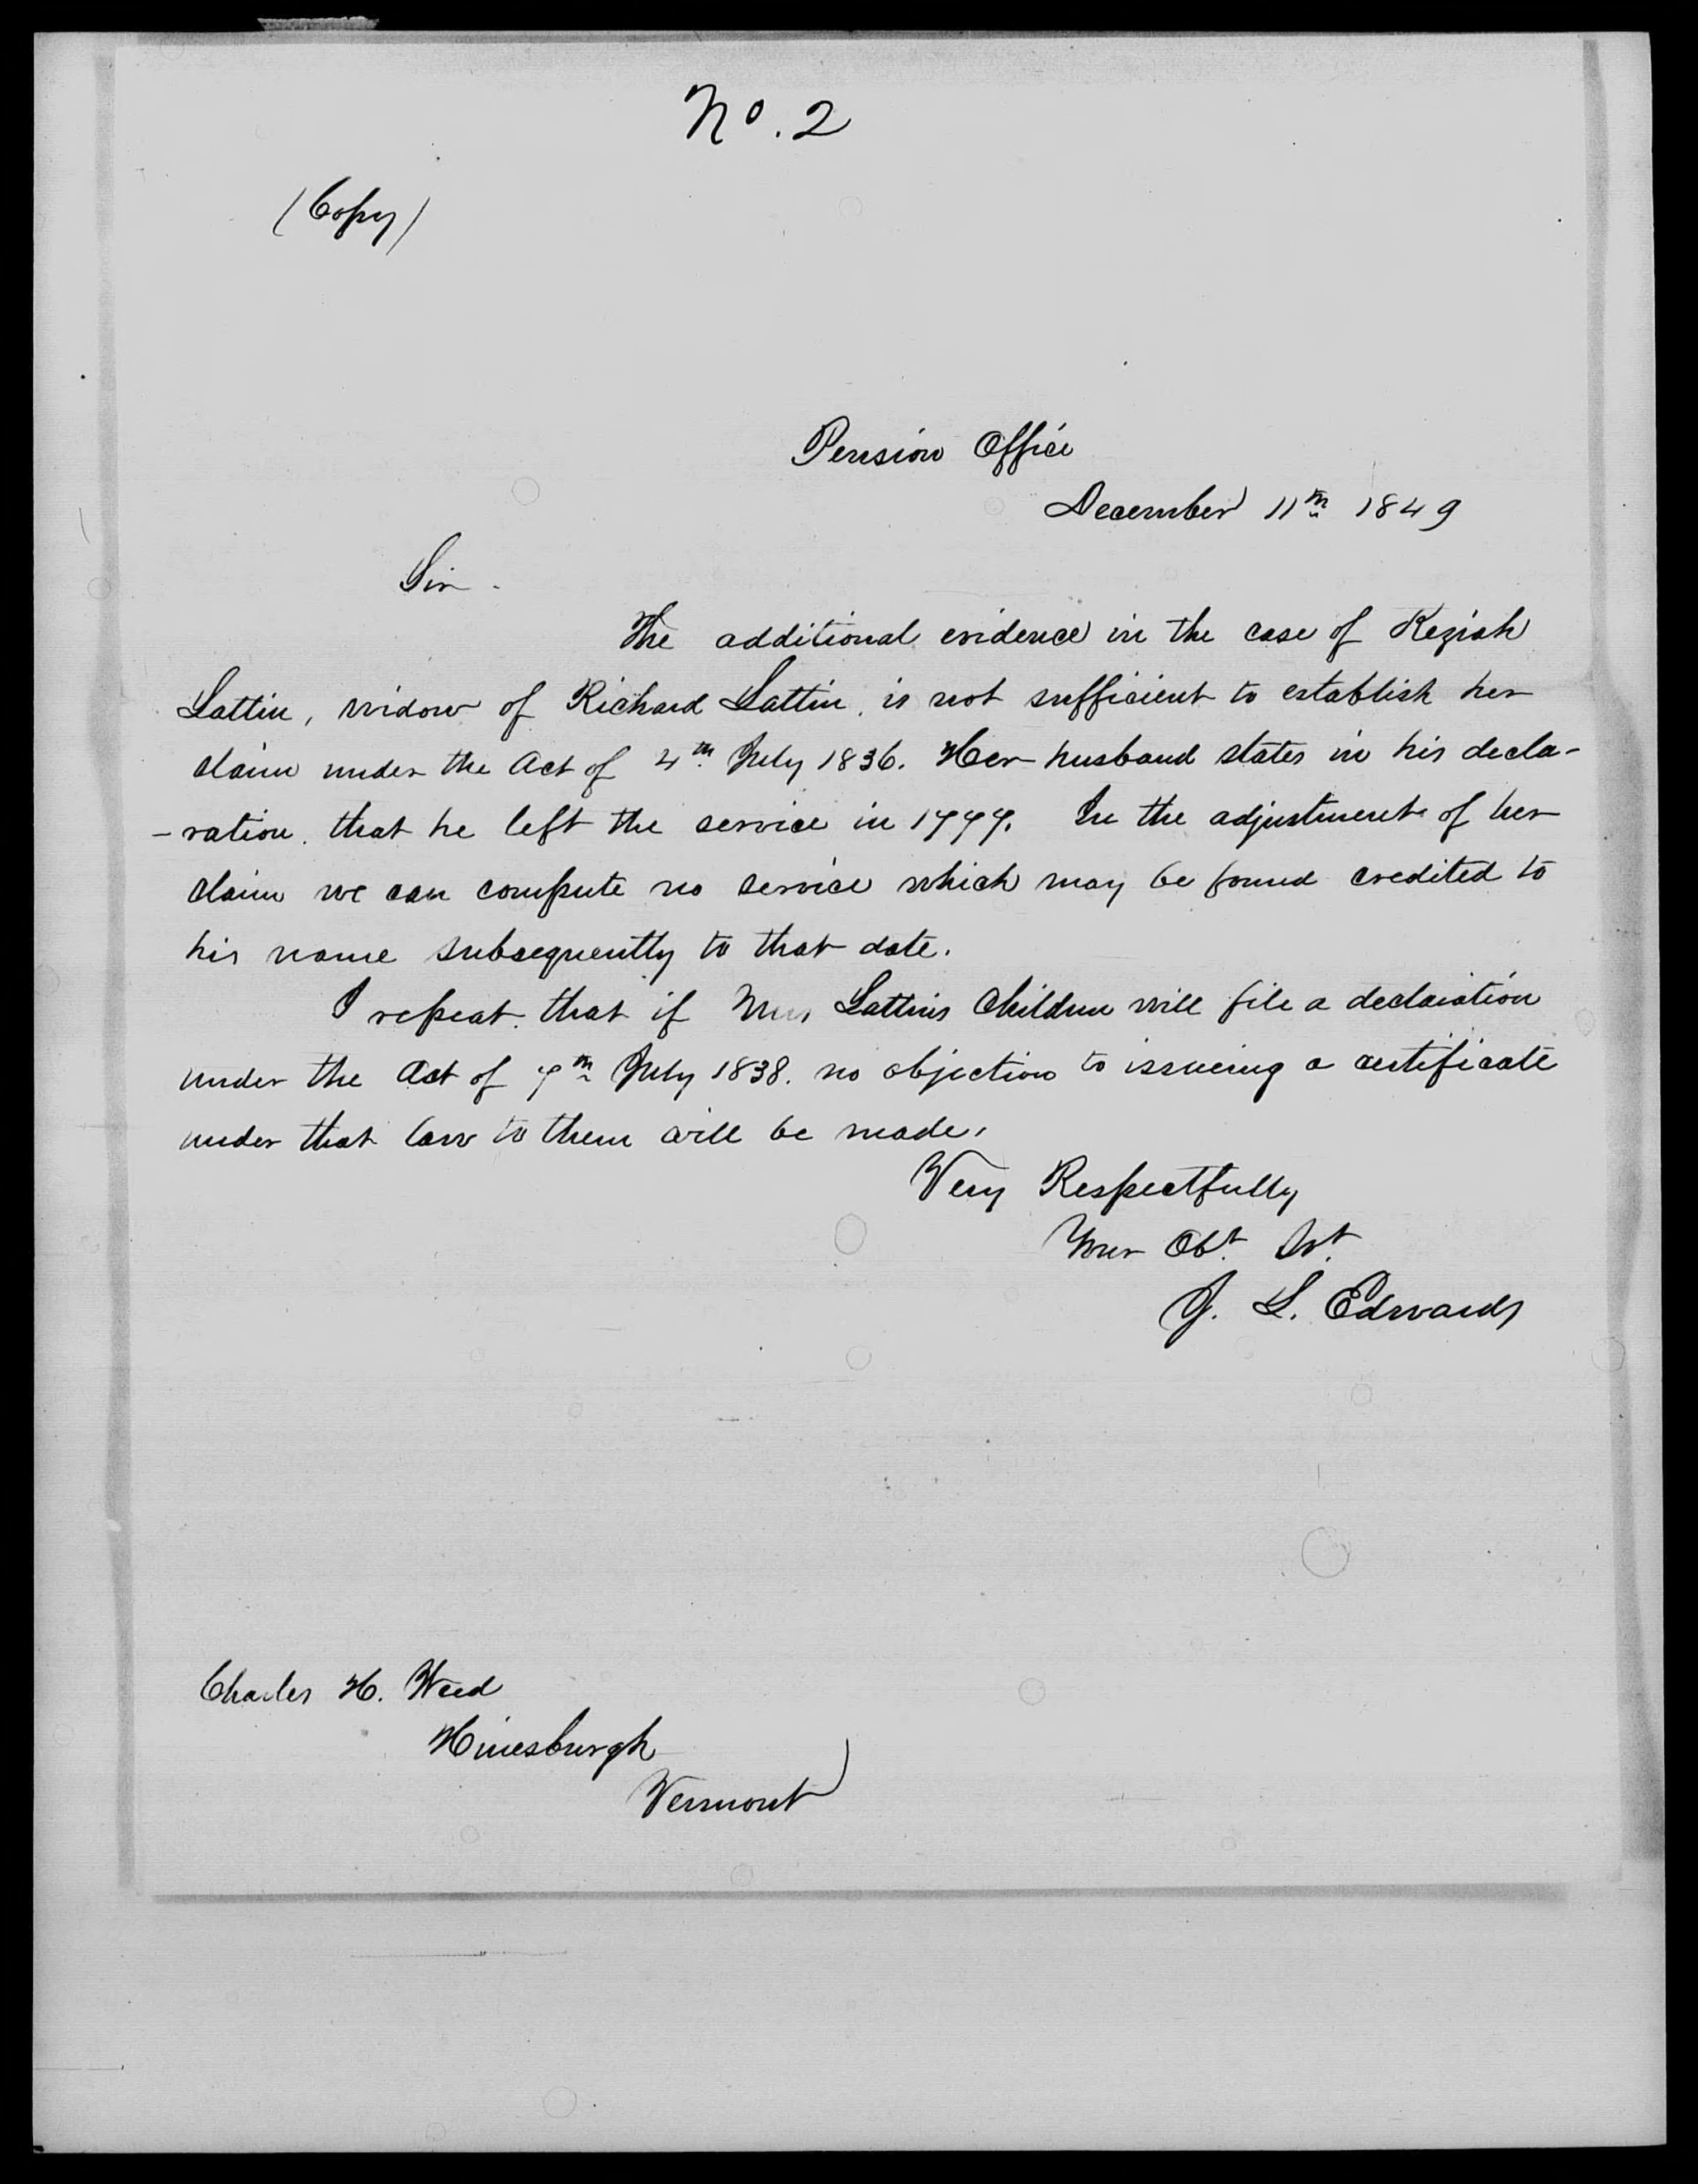No. 2
(Copy)

Pension Office
December 11th 1849

Sir
The additional evidence in the case of Keziah Lattin,
widow of Richard Lattin is not sufficient to establish her
claim under the act of 4th July 1836. Her husband states in his declaration, that he left the service in 1777. In the adjustment of her claim we can compute no service which may be found credited to his name subsequently to that date.
I repeat that if Mrs Lattin’s children will file a declaration
under the act of 7th July 1838. no objection to issuing a certificate under that law to them will be made,
Very Respectfully
Your Obt 
J.L. Edwards

Charles H. Weed
Hinesburgh
Vermont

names: Keziah Lattin; Richard Lattin; J L Edwards; Charles H Weed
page: 69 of 99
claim: widow's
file: W. 24,482, for Richard Lattin, Vermont